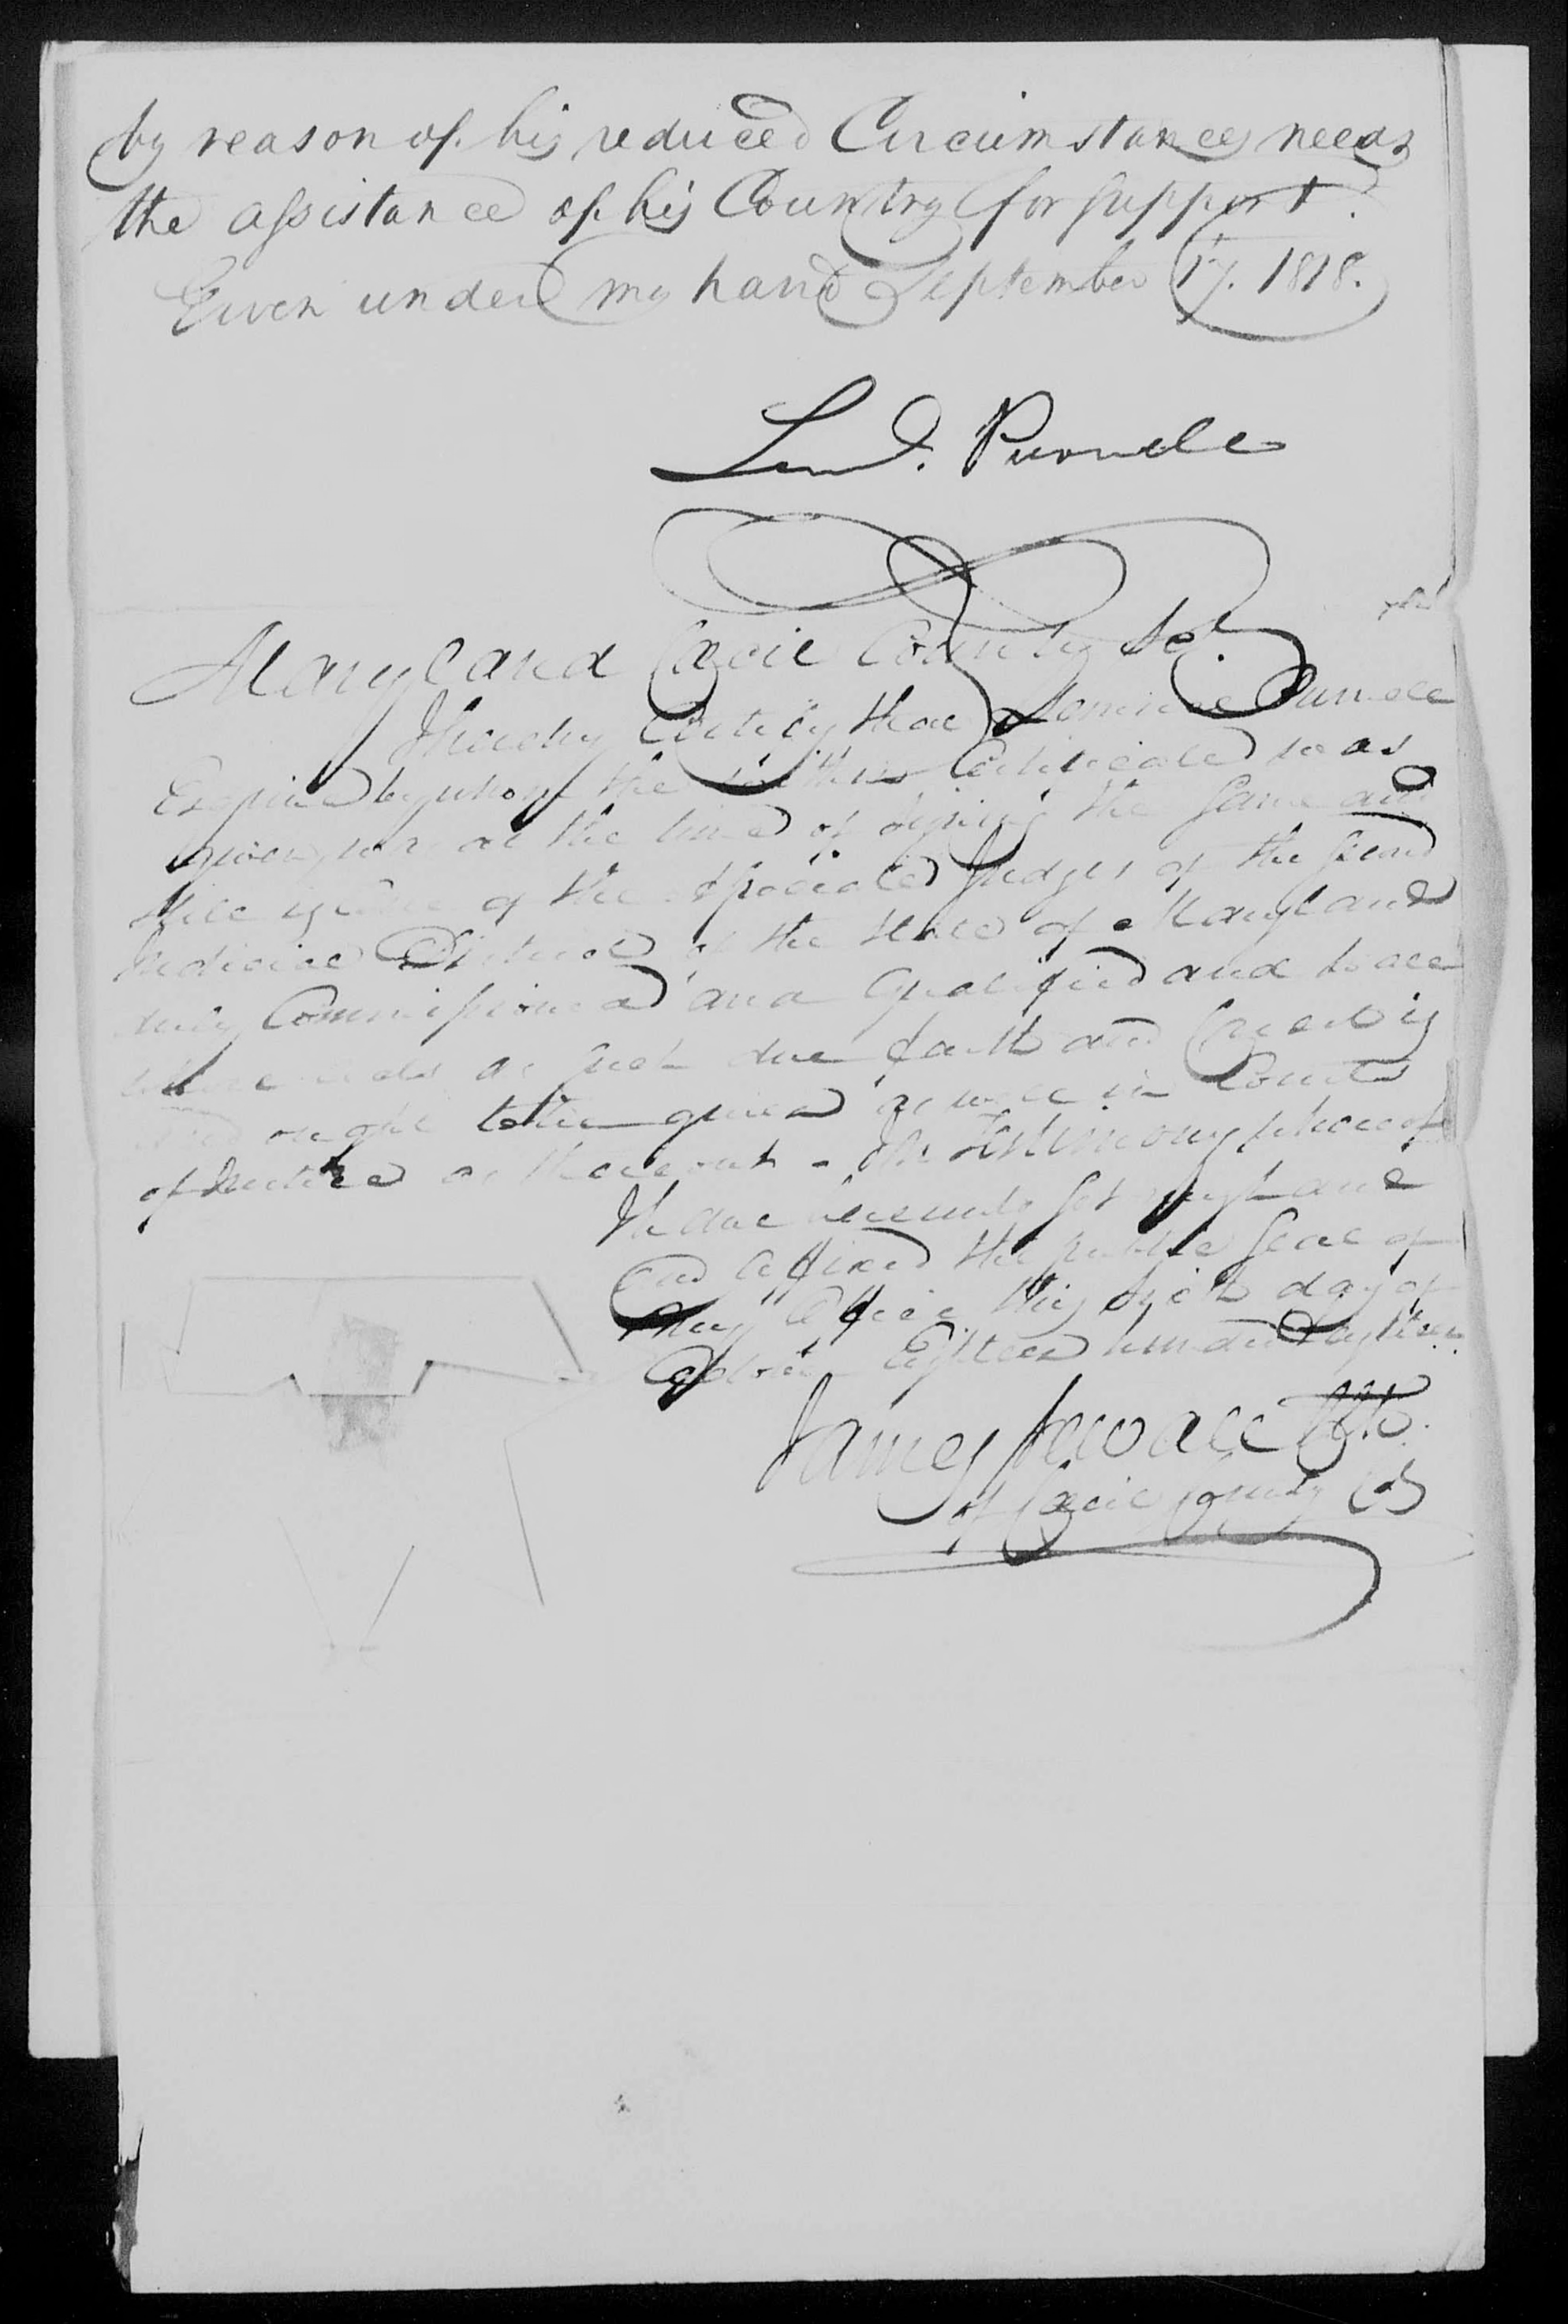By reason of his reduced circumstances needs the assistance of his Country for support. Given under my hand September 17, 1818
(Signature ?)

? Cecil County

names: Leml Purnell, James Sewall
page: 11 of 11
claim: survivor's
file: S. 34,661, Stephen Lewis Bowen, Md.